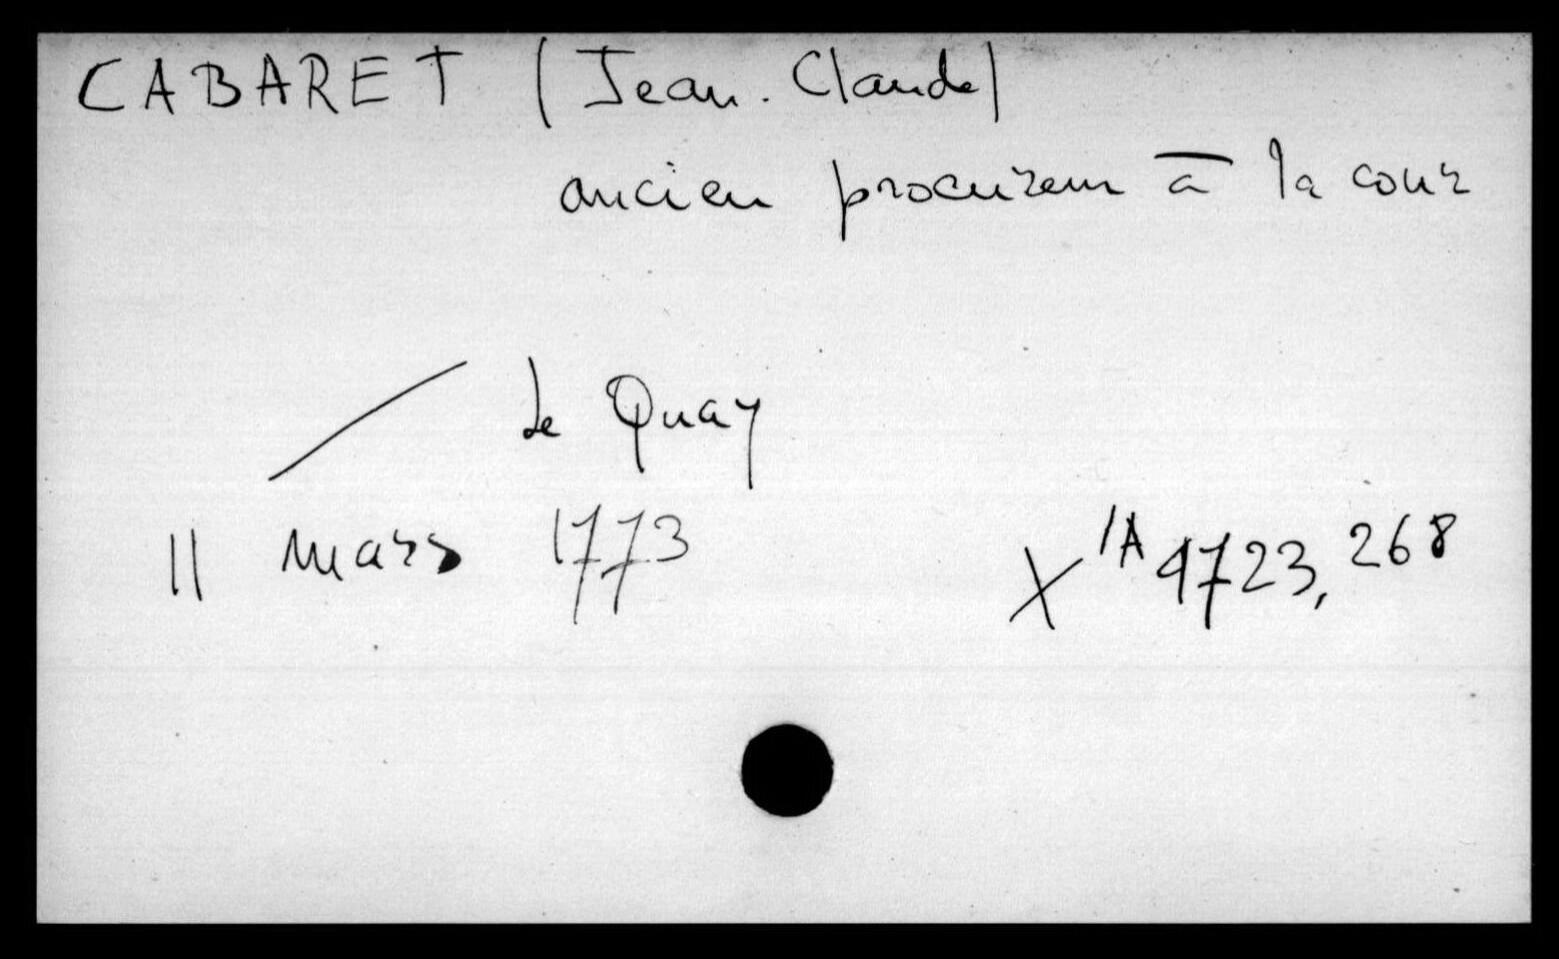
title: CABARET (Jean-Claude) ancien procureur à la cour
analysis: Contre Le Quay
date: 11 mars 1773
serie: X1A
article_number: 4723
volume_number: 268
